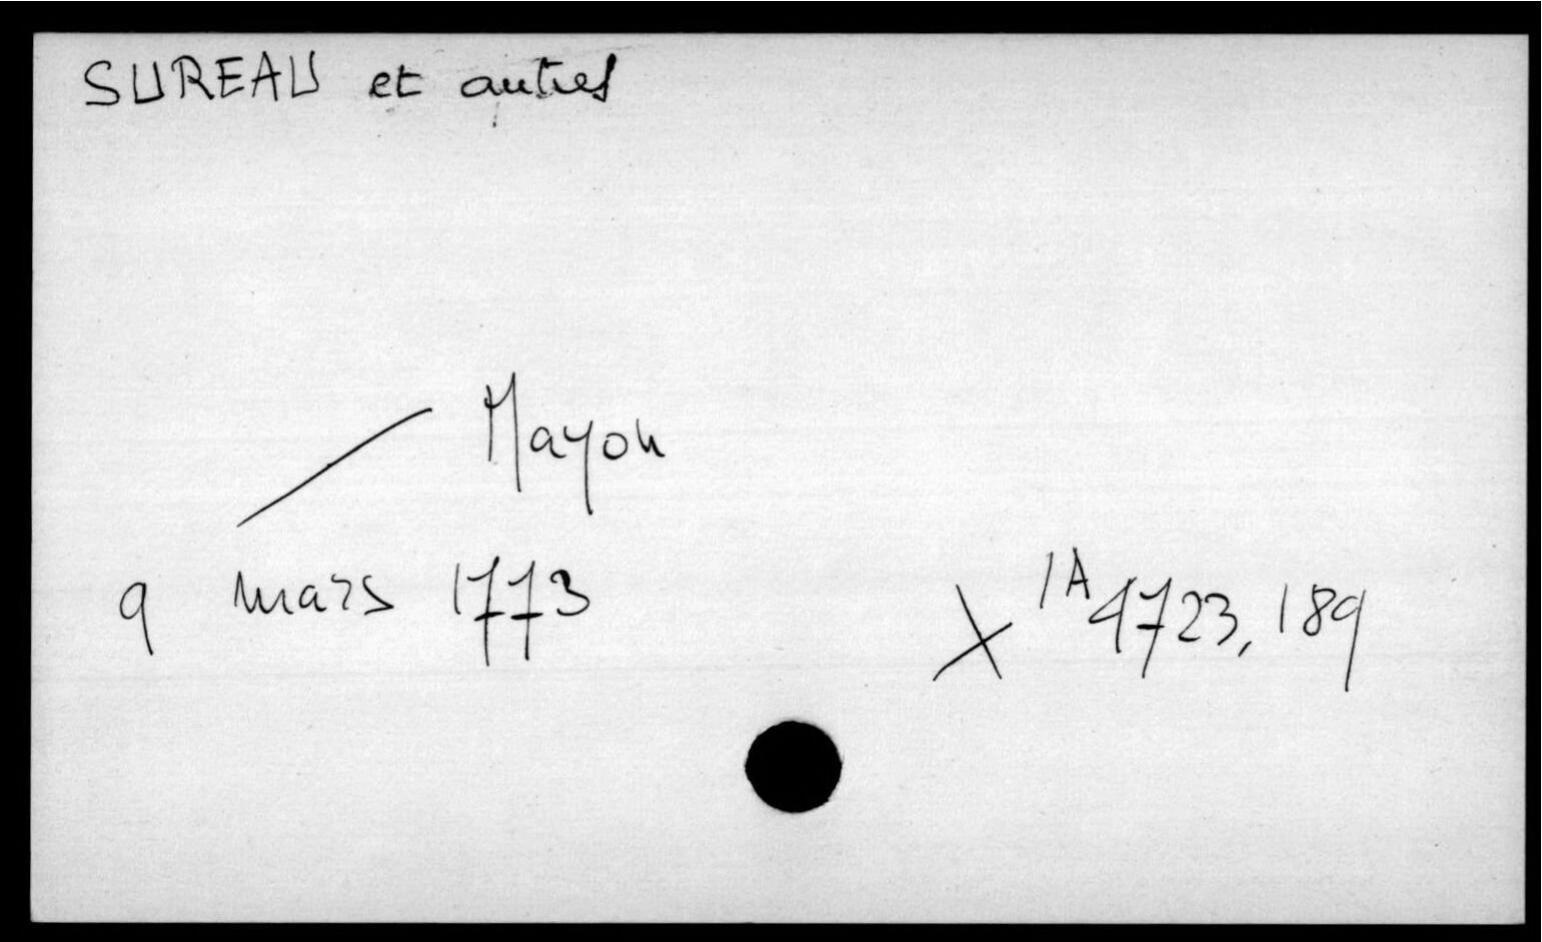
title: SUREAU et autres
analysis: Contre Mayon
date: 9 mars 1773
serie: X1A
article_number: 4723
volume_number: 189
